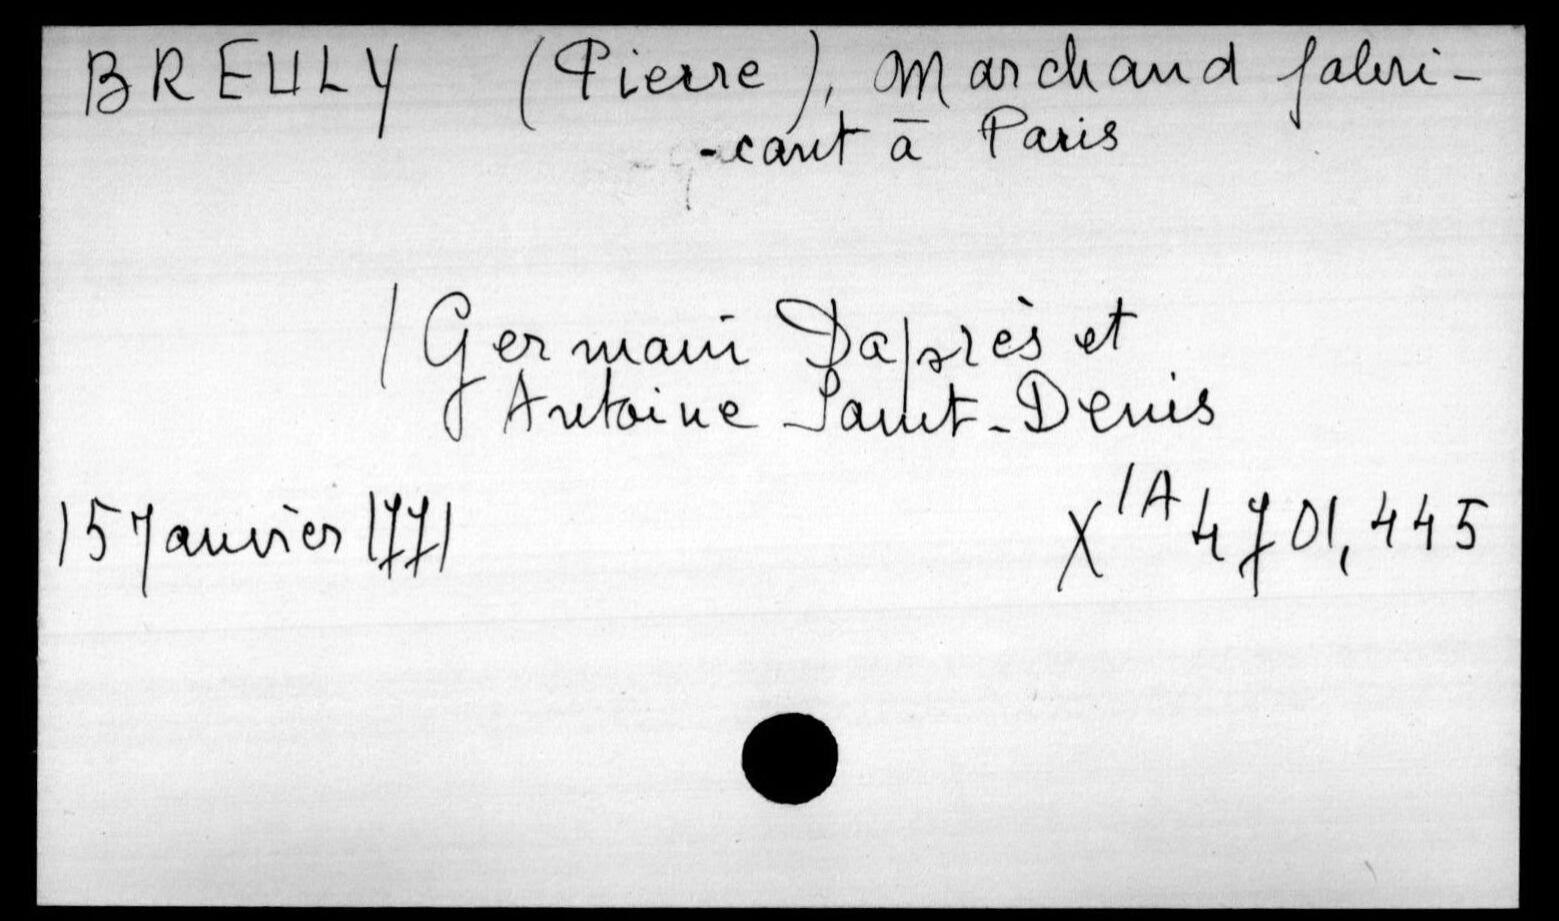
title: BREULY (Pierre), Marchand fabricant à Paris
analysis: Contre Germain Daprès et Antoine Saint-Denis
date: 15 janvier 1771
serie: X1A
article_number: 4701
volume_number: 445
